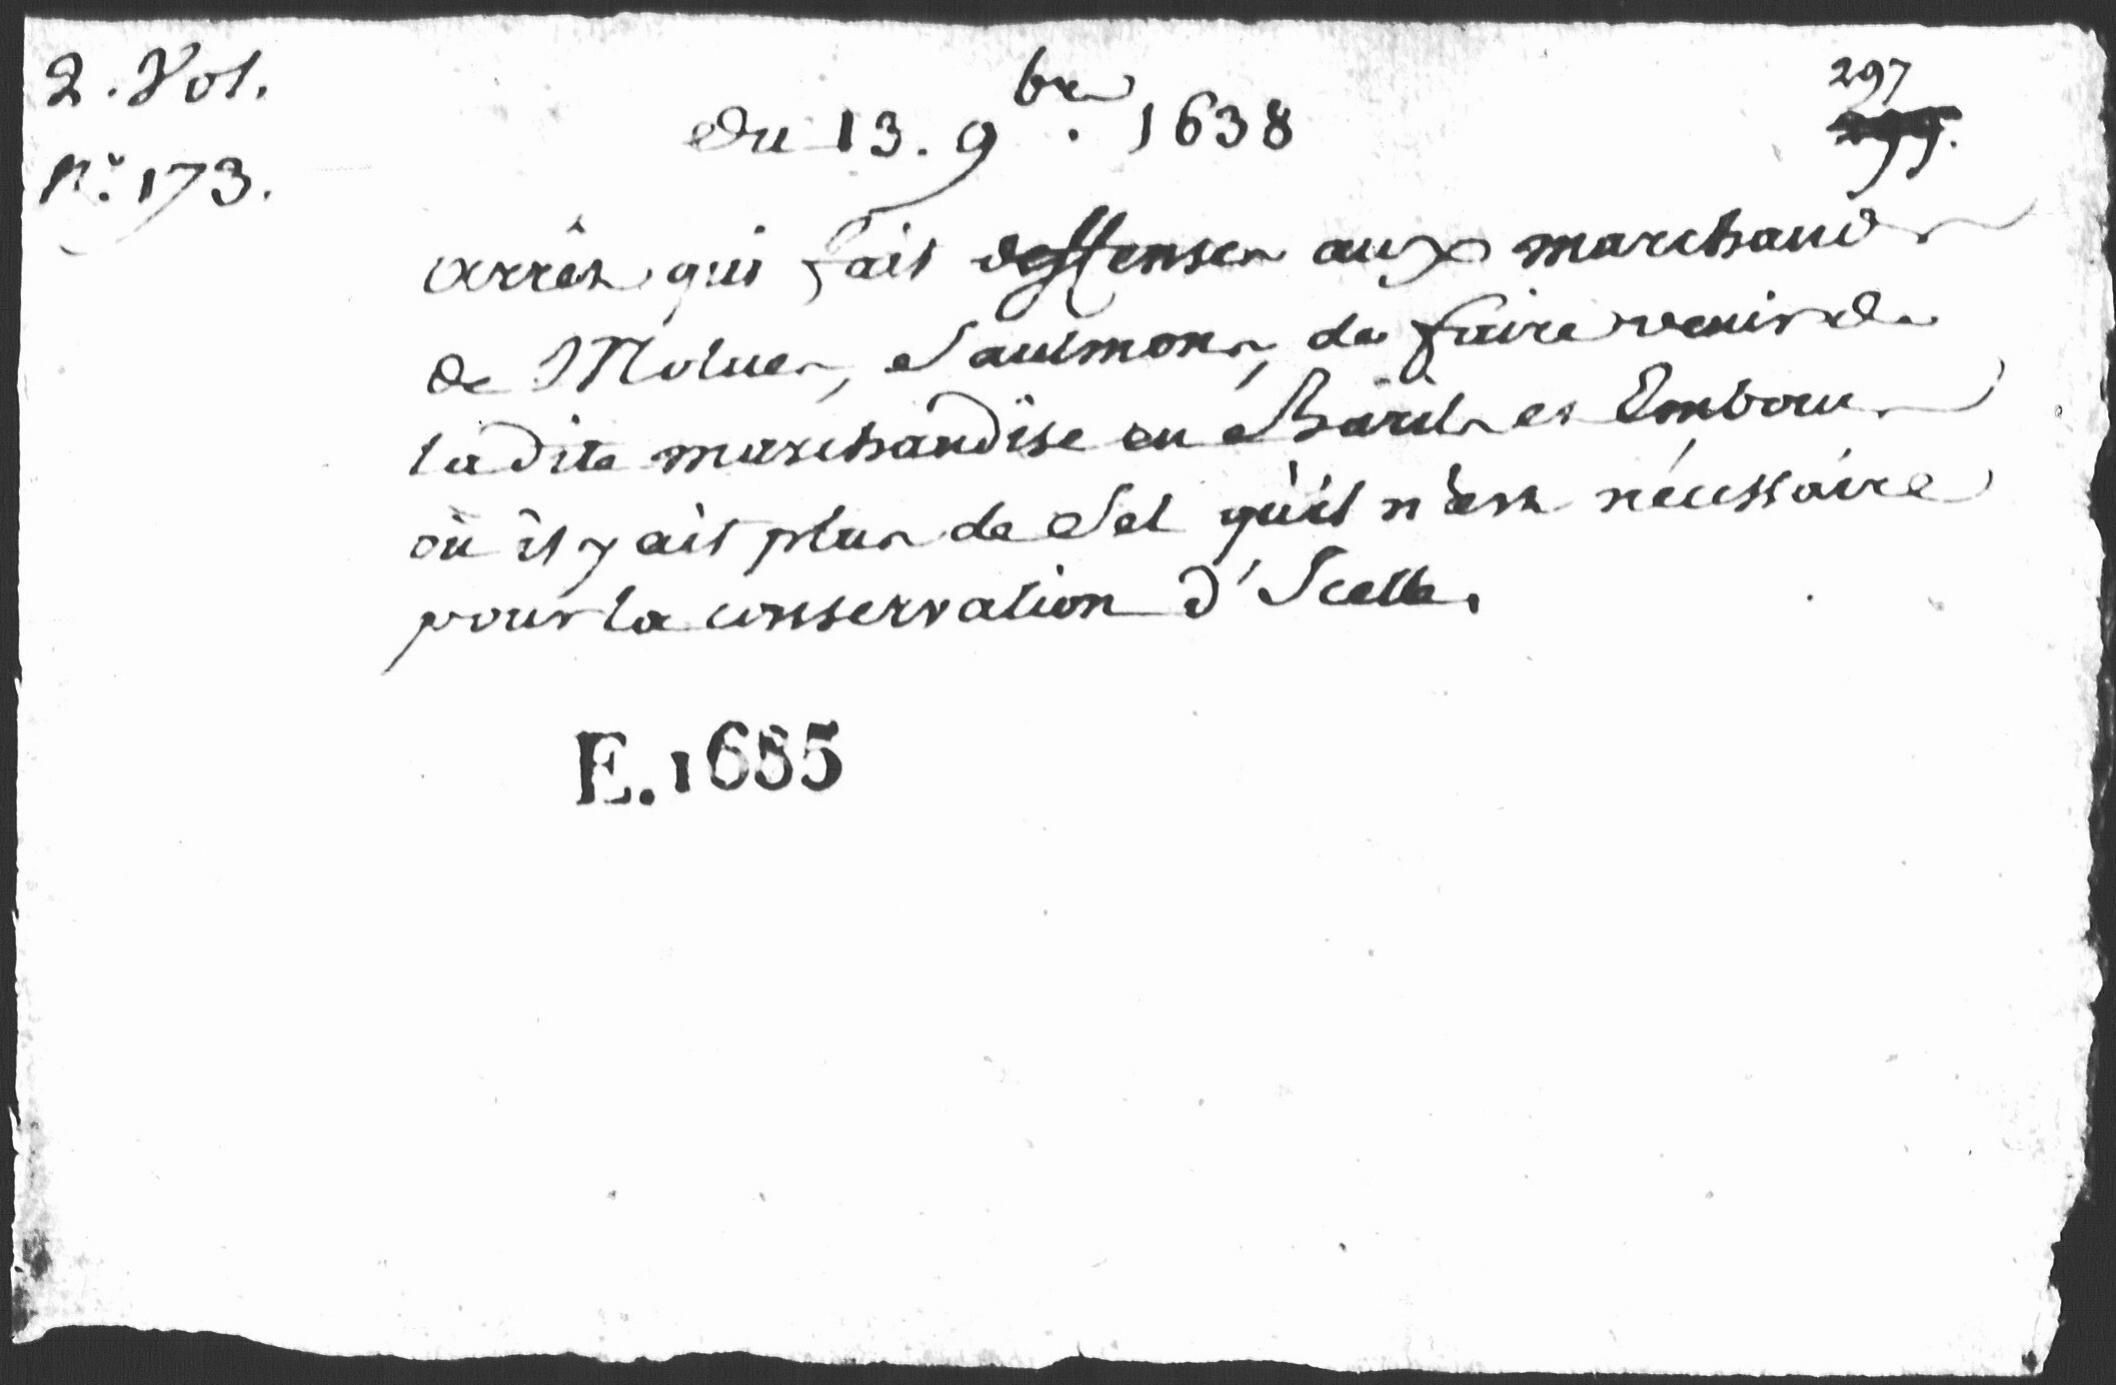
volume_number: n°173
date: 13 novembre 1638
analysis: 297 [299 barré]
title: arrêt qui fait deffenses aux marchands de molues, saulmons, de faire venir de ladite marchandise en barils et embours où il y ait plus de sel qu'il n'est nécessaire pour la conservation d'icelle.
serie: E
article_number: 1685
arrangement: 2. vol.
